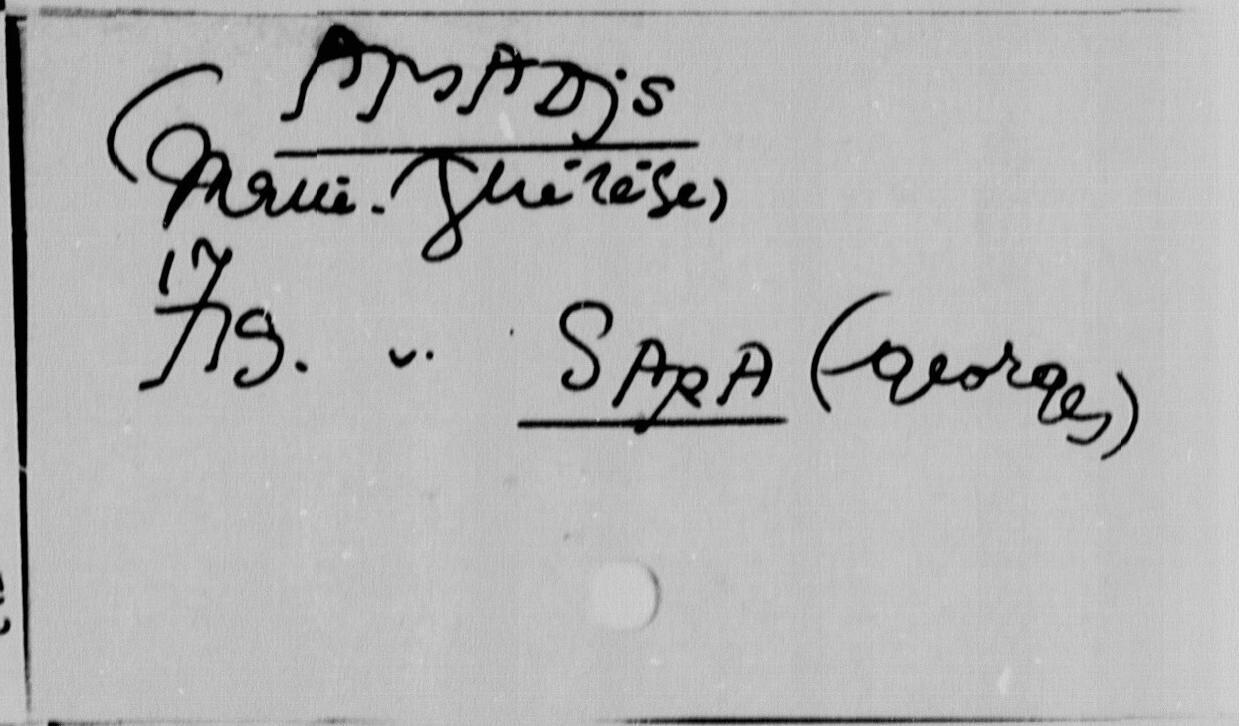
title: AMADIS (Marie-Thérèse)
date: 1719
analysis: Voir SARA (Georges)
